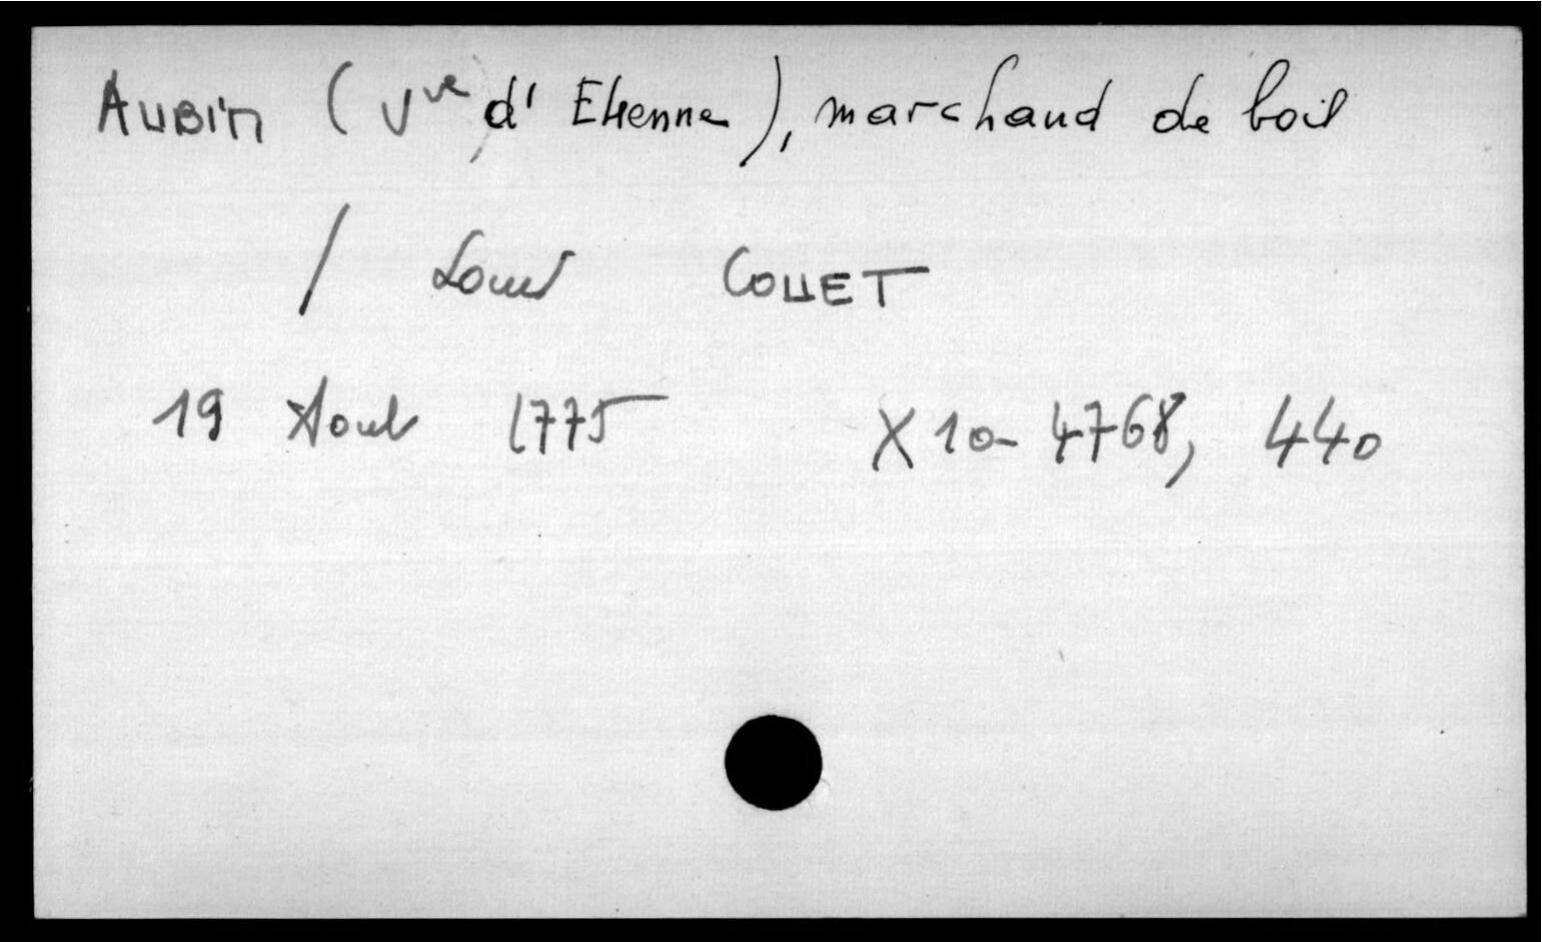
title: AUBIN (Veuve d'Étienne), marchand de bois
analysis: Contre Louis COUET
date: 19 août 1775
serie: X1a
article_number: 4768
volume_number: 440
